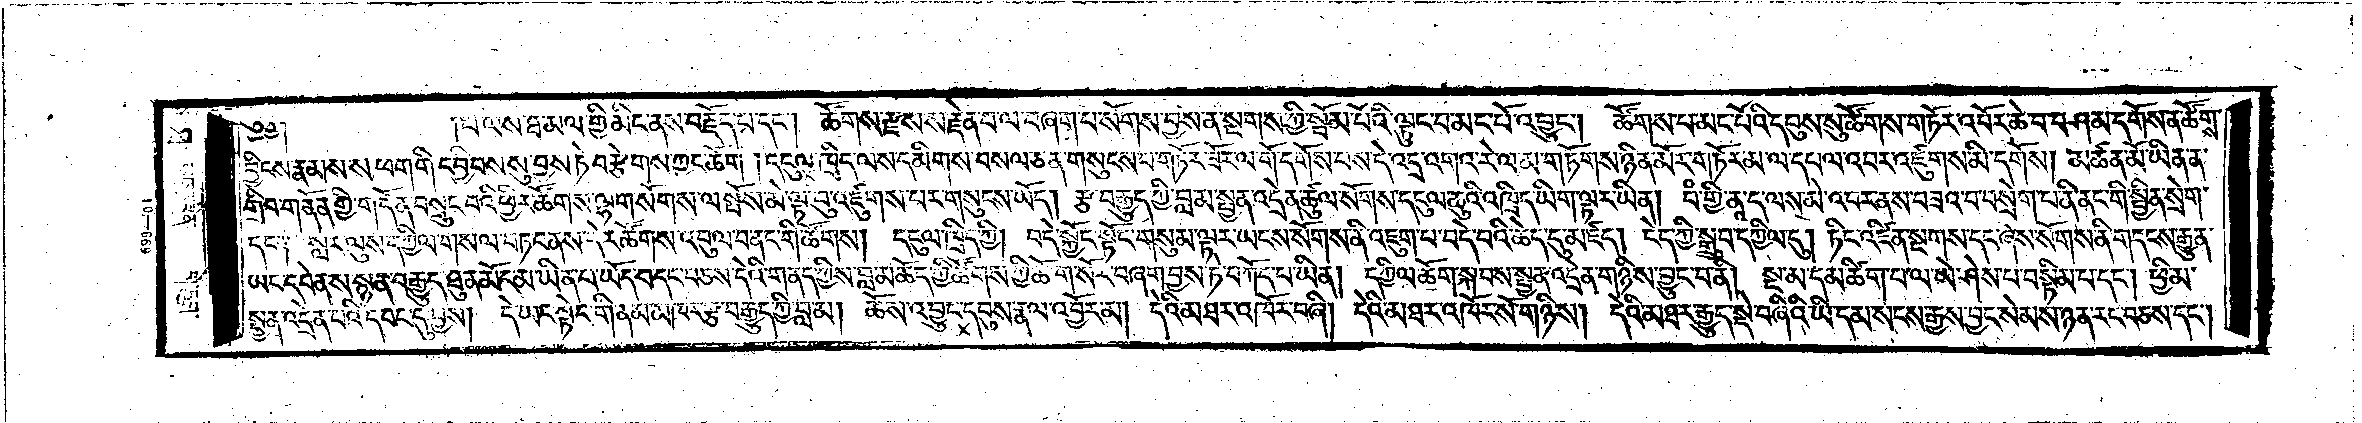༄༅། །པ་ལས་ཐ་མལ་གྱི་མིང་ནས་བརྗོད་པ་དང་། ཚོགས་རྫས་ས་རྗེན་བལ་བཞག་བ་སོགས་བྱས་ན་སྔགས་ཀྱི་སྦོམ་པོའི་ལྟུང་བ་མང་པོ་འབྱུང་། ཚོགས་པ་མང་པོའི་དབུས་སུ་ཚོགས་གཏོར་འབོར་ཆེ་བ་བཤམ་དགོས་ན་ཚོགས་
བྱིངས་རྣམས་ས་ཕག་གི་དབྱིབས་སུ་བྱས་ཏེ་བརྩེགས་ཀྱང་ཆོག །དངུལ་ཁྲིད་ལས་དམིགས་བསལ་ཅན་གསུངས་པ་གཏོར་ཟོད་ལ་གོ་དགོས་པས་དེ་འདྲ་འགའ་རེ་ལམ་གཏོགས་ཉིན་མོར་གཏོར་མ་ལ་དཔལ་འབར་འཛུགས་མི་དགོས། མཚན་མོ་ཡིན་ན་
གྲིབ་གནོན་གྱི་གདོན་བསྲུང་བའི་ཕྱིར་ཚོགས་ལྷ་གསོགས་ལ་སྤོས་མེ་ལྟ་བུ་འཛུགས་པར་གསུངས་ཡོད། རྩ་བརྒྱུད་ཀྱི་བླ་མ་སྤྱན་འདྲེན་ཚུལ་སོགས་དངུལ་ཆུའི་འཁྲིད་ཡིག་ལྟར་ཡིན། བཾ་གྱི་ནཱ་ད་ལས་མེ་འབར་ནས་བཟའ་བ་བསྲེག་པ་ནི་ནང་གི་སྦྱིན་སྲེག་
དང༑ སླར་ལུས་དཀྱིལ་གསལ་བཏབ་ནས་དེར་ཚོགས་འབུལ་བ་ནང་གི་ཚོགས། དངུལ་ཁྲིད་ཀྱི། བདེ་སྐྱོང་སྟོང་གསུམ་ལྟར་ཡངས་སོགས་ནི་འཇུག་པ་བདེ་བའི་ཆེད་དུ་མཛད། ངེད་ཀྱི་སྒྲུབ་དཀྱིལ་དུ། ཏིང་འཛིན་སྔགས་དང་ཞེས་སོགས་ནི་གདངས་རྒྱུན་
ཡང་དབེན་ས་སྙན་བརྒྱུད་ཐུན་མོང་མ་ཡིན་པ་ཡོད་པ་དང་བཅས་དེའི་གནད་ཀྱིས་བླ་མཆོད་ཀྱི་ཚོགས་ཀྱི་ཆོ་ག་སོར་བཞག་བྱས་ཏེ་བཀོད་པ་ཡིན། དཀྱིལ་ཆོག་སྐབས་སྤྱན་འདྲེན་གཉིས་བྱུང་བ་ན། སྔ་མ་དམ་ཚིག་པ་ལ་ཡེ་ཤེས་པ་བསྟིམ་པ་དང་། ཕྱི་མ་
སྤྱན་འདྲེན་པའི་དབང་དུ་བྱས། དེ་ཡང་སྟེང་གི་ནམ་མཁར་རྩ་བརྒྱུད་ཀྱི་བླ་མ། ཆོས་འབྱུང་དབུས་རྣལ་འབྱོར་མ། དེའི་མཐར་འཁོར་བཞི། དེའི་མཐར་འཁོར་སོ་གཉིས། དེའི་མཐར་རྒྱུད་སྡེ་བཞིའི་ཡི་དམ་སངས་རྒྱས་བྱང་སེམས་ཉན་རང་བཅས་དང་།